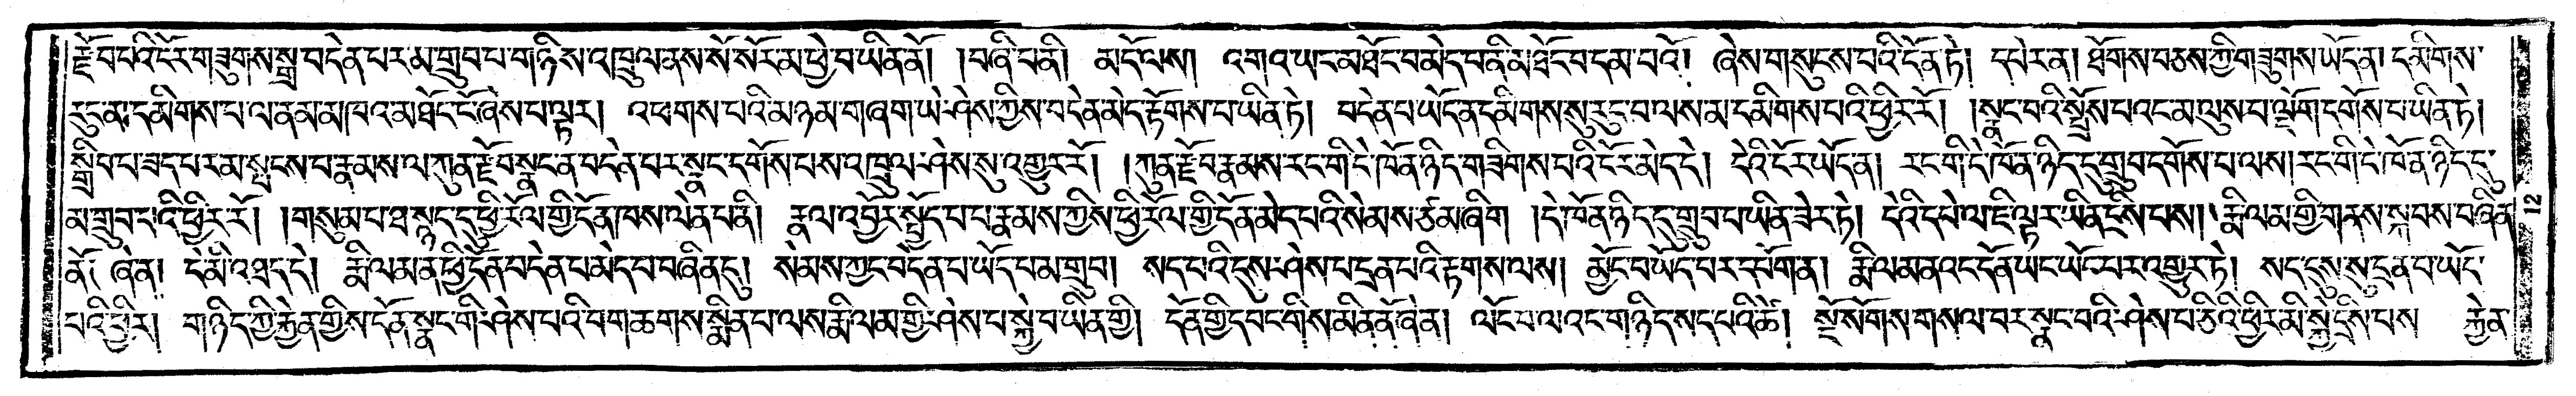རྫོབ་པའི་ངོར་གཟུགས་སྒྲ་བདེན་པར་མ་གྲུབ་པ་གཉིས་འཁྲུལ་ནས་སོ་སོར་མ་ཕྱེ་བ་ཡིན་ནོ། །བཞི་པ་ནི། མདོ་ལས། འགའ་ཡང་མཐོང་བ་མེད་པ་ནི་མཐོང་བ་དམ་པའོ། ཞེས་གསུངས་པའི་དོན་ཏེ། དཔེར་ན། ཐོགས་བཅས་ཀྱི་གཟུགས་ཡོད་ན། དམིགས་
རུང་མ་དམིགས་པ་ལ་ནམ་མཁའ་མཐོང་ངོ་ཞེས་པ་ལྟར། འཕགས་པའི་མཉམ་གཞག་ཡེ་ཤེས་ཀྱིས་བདེན་མེད་རྟོགས་པ་ཡིན་ཏེ། བདེན་པ་ཡོད་ན་དམིགས་སུ་རུང་བ་ལས་མ་དམིགས་པའི་ཕྱིར་རོ། །སྣང་བའི་སྤྲོས་པའང་མ་ལུས་པ་ལྡོག་དགོས་པ་ཡིན་ཏེ།
སྒྲིབ་པ་ཟད་པར་མ་སྤངས་པ་རྣམས་ལ་ཀུན་རྫོབ་སྣང་ན་བདེན་པར་སྣང་དགོས་པས་འཁྲུལ་ཤེས་སུ་འགྱུར་རོ། །ཀུན་རྫོབ་རྣམས་རང་གི་དེ་ཁོ་ན་ཉིད་གཟིགས་པའི་ངོར་མེད་དེ། དེའི་ངོར་ཡོད་ན། རང་གི་དེ་ཁོ་ན་ཉིད་དུ་གྲུབ་དགོས་པ་ལས། རང་གི་དེ་ཁོ་ན་ཉིད་དུ་
མ་གྲུབ་པའི་ཕྱིར་རོ། །གསུམ་པ་ཐ་སྙད་དུ་ཕྱི་རོལ་གྱི་དོན་ཁས་ལེན་པ་ནི། རྣལ་འབྱོར་སྤྱོད་པ་པ་རྣམས་ཀྱིས་ཕྱི་རོལ་གྱི་དོན་མེད་པའི་སེམས་ཙམ་ཞིག །དེ་ཁོ་ན་ཉིད་དུ་གྲུབ་པ་ཡིན་ཟེར་ཏེ། དེའི་དཔེ་ལ་ཇི་ལྟར་ཡིན་དྲིས་པས། རྨི་ལམ་གྱི་གནས་སྐབས་བཞིན་
ནོ། ཞེ་ན། དེ་མི་འཐད་དེ། རྨི་ལམ་ན་ཕྱི་དོན་བདེན་པ་མེད་པ་བཞིན་དུ། སེམས་ཀྱང་བདེན་པ་ཡོད་པ་མ་གྲུབ། སད་པའི་དུས་ཤེས་པ་དྲན་པའི་རྟགས་ལས། མྱོང་བ་ཡོད་པར་དཔོག་ན། རྨི་ལམ་ནའང་དོན་ཡང་ཡོད་པར་འགྱུར་ཏེ། སད་དུས་སུ་དྲན་པ་ཡོད་
པའི་ཕྱིར། གཉིད་ཀྱི་རྐྱེན་གྱིས་དོན་སྣང་གི་ཤེས་པའི་བག་ཆགས་སྨིན་པ་ལས་རྨི་ལམ་གྱི་ཤེས་པ་སྐྱེ་བ་ཡིན་གྱི། དོན་གྱི་དབང་གིས་མིན་ནོ་ཞེ་ན། ལོང་པ་ལའང་གཉིད་སད་པའི་ཚེ། སྔོ་སོགས་གསལ་བར་སྣང་བའི་ཤེས་པ་ཅིའི་ཕྱིར་མི་སྐྱེ་དྲིས་པས། རྐྱེན་